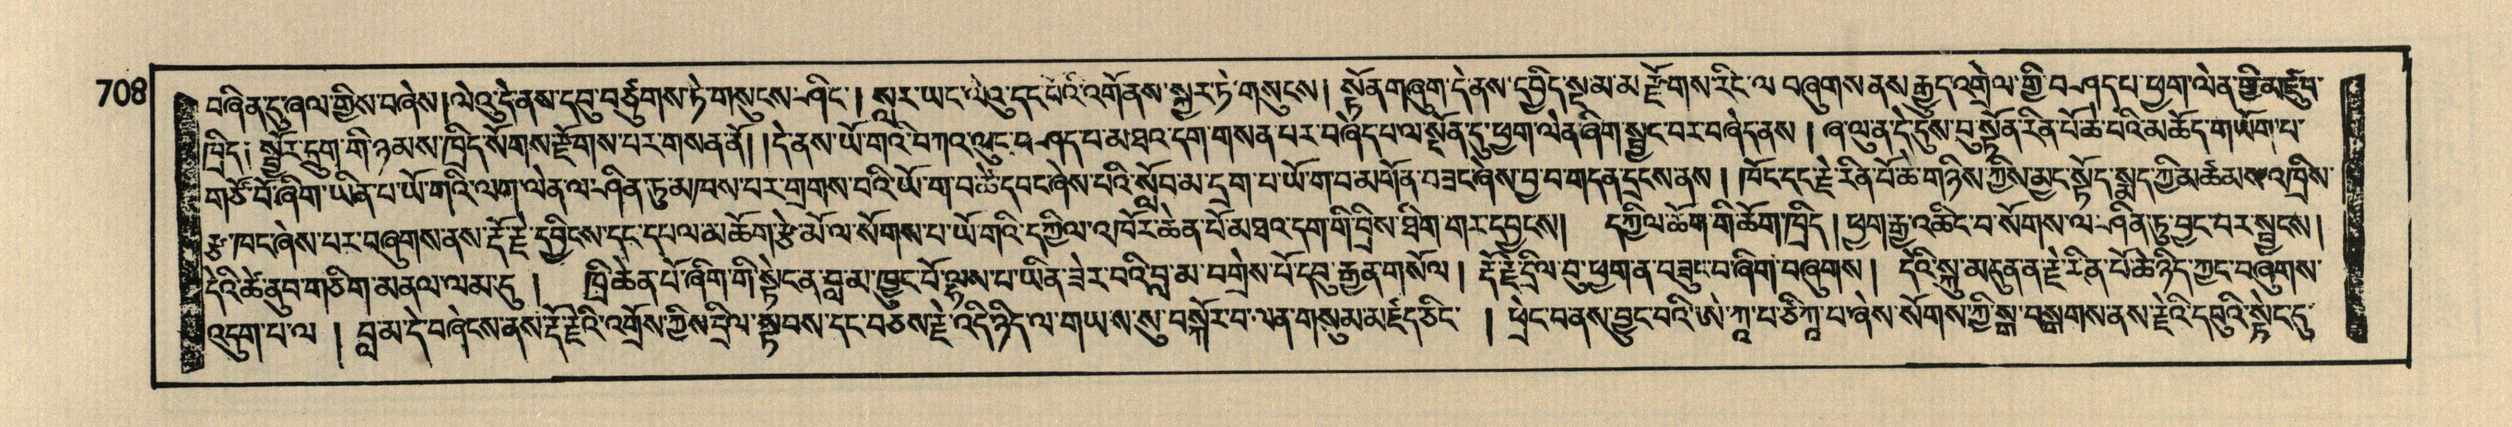བཞིན་དུ་ཞལ་གྱིས་བཞེས། ལེའུ་དེ་ནས་དབུ་བཙུགས་ཏེ་གསུངས་ཤིང་། སླར་ཡང་ལེའུ་དང་པོའི་འོག་ནས་སྐྱར་ཏེ་གསུངས། སྟོན་གཞུག་དེ་ནས་དཔྱིད་སྔ་མ་མ་རྫོགས་རིང་ལ་བཞུགས་ནས་རྒྱུད་འགྲེལ་གྱི་བཤད་པ་ཕྱག་ལེན་གྱི་མཛུབ་
ཁྲིད༑ སྦྱོར་དྲུག་གི་ཉམས་ཁྲིད་སོགས་རྫོགས་པར་གསན་ནོ། །དེ་ནས་ཡོ་གའི་བཀའ་ལུང་བཤད་པ་མཐའ་དག་གསན་པར་བཞེད་པ་ལ་སྔོན་དུ་ཕྱག་ལེན་ཞིག་སྦྱང་བར་བཞེད་ནས་།ཞ་ལུ་ན་དེ་དུས་བུ་སྟོན་རིན་པོ་ཆེ་བའི་མཆོད་གཡོག་པ་
གཙོ་བོ་ཞིག་ཡིན་པ་ཡོ་གའི་ལག་ལེན་ལ་ཤིན་ཏུ་མཁས་པར་གྲགས་པའི་ཡོ་ག་བ་ཚེ་དབང་ཞེས་པའི་སློབ་མ་དྲག་པ་ཡོ་ག་བ་མགོན་བཟང་ཞེས་བྱ་བ་གདན་དྲངས་ནས། ཁོང་དང་རྗེ་རིན་པོ་ཆེ་གཉིས་ཀྱིས་མྱང་སྟོད་སྨད་ཀྱི་མཚམས་འཁྲིས་
རྩ་ཁང་ཞེས་པར་བཞུགས་ནས་རྡོ་རྗེ་དབྱིངས་དང་དཔལ་མཆོག་རྩེ་མོ་ལ་སོགས་པ་ཡོ་གའི་དཀྱིལ་འཁྲོ་ཆེན་པོ་མཐའ་དག་གི་བྲིས་ཐིག་གར་དབྱངས། དཀྱིལ་ཆོག་གི་ཆོག་ཁྲིད། ཕྱག་རྒྱ་འཆིང་བ་སོགས་ལ་ཤིན་ཏུ་བྱང་བར་སྦྱངས།
དེའི་ཚེ་ནུབ་གཅིག་མནལ་ལམ་དུ། ཁྲི་ཆེན་པོ་ཞིག་གི་སྟེང་ན་བླ་མ་ཁྱུང་བོ་ལྷས་པ་ཡིན་ཟེར་བའི་བླ་མ་བགྲེས་པོ་དབུ་རྒྱན་གསོལ། རྡོ་རྗེ་དྲིལ་བུ་ཕྱག་ན་བཟུང་བ་ཞིག་བཞུགས། དེའི་སྐུ་མདུན་རྗེ་རིན་པོ་ཆེ་ཉིད་ཀྱང་བཞུགས་
འདུག་པ་ལ། བླ་མ་དེ་བཞེངས་ནས་རྡོ་རྗེའི་འགྲོས་ཀྱིས་དྲིལ་སྟབས་དང་བཅས་རྗེ་འདི་ཉིད་ལ་གཡས་སུ་བསྐོར་བ་ལན་གསུམ་མཛད་ཅིང་། ཕྲེང་བ་ནས་བྱུང་བའི་ཨེ་ཀཱ་པ་ཙིཀཱ་པ་ཞེས་སོགས་ཀྱི་སྒ་བསྒྲགས་ནས་རྗེའི་དབུའི་སྟེང་དུ་